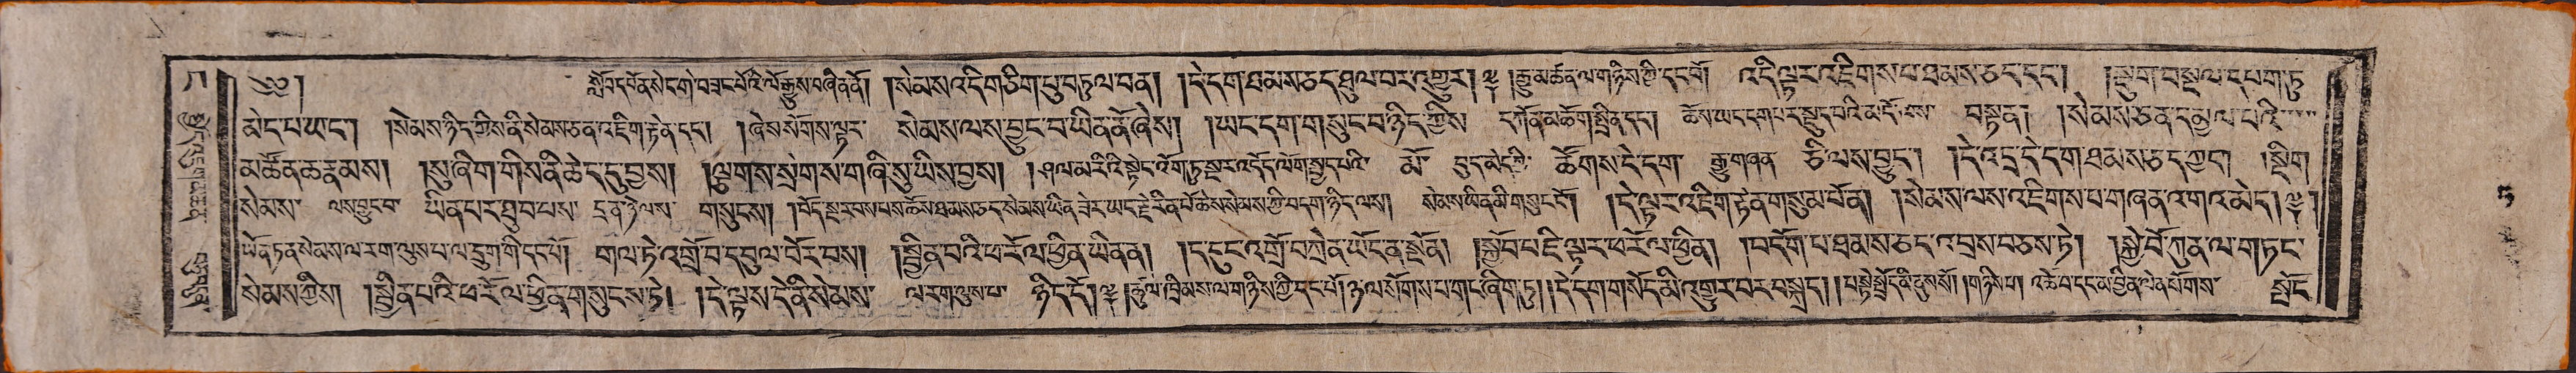༄༅། །པ་སློབ་དཔོན་སེང་གེ་བཟང་པོའི་ལོ་རྒྱུས་བཞིན་ནོ། །སེམས་འདི་གཅིག་པུ་བཏུལ་བ་ན། །དེ་དག་ཐམས་ཅད་ཐུལ་བར་འགྱུར། ༈ །རྒྱུ་མཚན་ལ་གཉིས་ཀྱི་དང་པོ།  འདི་ལྟར་འཇིགས་པ་ཐམས་ཅད་དང་། །སྡུག་བསྔལ་དཔག་ཏུ་
མེད་པ་ཡང་། །སེམས་ཉིད་ཀྱིས་ནི་སེམས་ཅན་འཇིག་རྟེན་དང་། །ཞེས་སོགས་ལྟར་སེམས་ལས་བྱུང་བ་ཡིན་ནོ་ཞེས། །ཡང་དག་གསུང་བ་ཉིད་ཀྱིས་དཀོན་མཆོག་སྤྲིན་དང་། ཆོས་ཡང་དག་པར་སྡུད་པའི་མདོ་ལས་བསྟན། །སེམས་ཅན་དམྱལ་བའི་
མཚོན་ཆ་རྣམས། །སུ་ཞིག་གིས་ནི་ཆེད་དུ་བྱས། །ལྕགས་སྲེག་ས་གཞི་སུ་ཡིས་བྱས། །ཤལ་མ་རིའི་སྟེང་འོག་ཏུ་སྔར་འདོད་ལོག་སྤྱད་པའི་མོ་བུད་མེད་ཀྱི་ཚོགས་དེ་དག་རྒྱུ་གཞན་ཅི་ལས་བྱུང་། །དེ་འདྲ་དེ་དག་ཐམས་ཅད་ཀྱང་། །སྡིག་
སེམས་ལས་བྱུང་བ་ཡིན་པར་ཐུབ་པས་དྲན་ཉེ་ལས་གསུངས། །བོད་སྔ་རབས་བས་ཆོས་ཐམས་ཅད་སེམས་ཡིན་ཟེར་ཡང་རྗེ་རིན་པོ་ཆེས་སེམས་ཀྱི་བདག་ཉིད་ལས། སེམས་ཡིན་མི་གསུང་ངོ།  །དེ་ལྟར་འཇིག་རྟེན་གསུམ་པོ་ན། །སེམས་ལས་འཇིགས་པ་གཞན་འགའ་མེད། ༈ །
ཡོན་ཏན་སེམས་ལ་རག་ལུས་པ་ལ་དྲུག་གི་དང་པོ།  གལ་ཏེ་འགྲོ་བ་དབུལ་བོར་བས། །སྦྱིན་པའི་ཕ་རོལ་ཕྱིན་ཡིན་ན། །ད་དུང་འགྲོ་བཀྲེན་ཡོད་ན་སྔོན། །སྐྱོབ་པ་ཇི་ལྟར་ཕ་རོལ་ཕྱིན། །བདོག་པ་ཐམས་ཅད་འབྲས་བཅས་ཏེ། །སྐྱེ་བོ་ཀུན་ལ་གཏང་
སེམས་ཀྱིས། །སྦྱིན་པའི་ཕ་རོལ་ཕྱིན་གསུངས་ཏེ། །དེ་ལྟས་དེ་ནི་སེམས་ལ་རག་ལུས་པ་ཉིད་དོ། ༈ །ཚུལ་ཁྲིམས་ལ་གཉིས་ཀྱི་དང་པོ། ཉ་ལ་སོགས་པ་གང་ཞིག་ཏུ། །དེ་དག་གསོད་མི་འགྱུར་བར་བསྐྲད། །པ་སྟེ་སྐྲོད་མི་ནུས་སོ། །གཉིས་པ། འཚེ་བ་དང་མ་བྱིན་ལེན་སོགས་སྤོང་